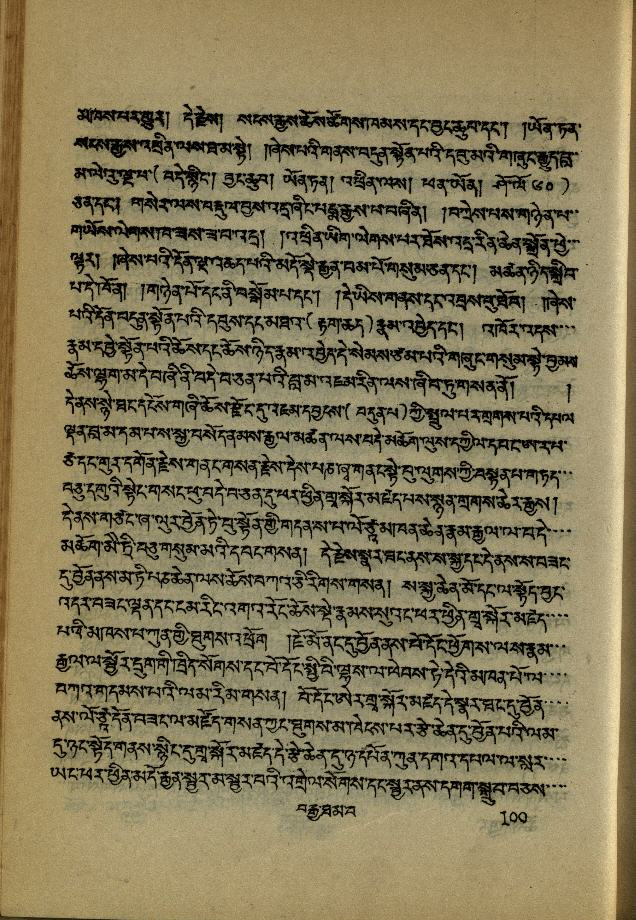མཁས་པར་གྱུར། དེ་རྗེས། སངས་རྒྱས་ཆོས་ཚོགས་ཁམས་དང་བྱང་ཆུབ་དང་། །ཡོན་ཏ་
སངས་རྒྱས་འཕིར་ལས་ཐ་མ་སྟེ། །ཞེས་པའི་གནས་བདུན་སྟོན་པའི་དབུ་མའི་གཞུང་རྒྱུད་བླ་
མ་ལེའུ་ལྔ་པ་བདེ་སྙིང་། བྱང་ཆུབ། ཡོན་ཏན། འཕྲིན་ལས། ཕན་ཡོན། ཤོ་ལོ ༦༠
ཅན་དང་། གསར་ལས་བརྡུལ་བྱས་འདྲ་ཞིང་པདམར་རྒྱས་པ་བཞིན། །བཀྲས་པས་གཉེན་པ་
གཡོས་ལེགས་ཁ་ཟས་ཟ་བ་འདྲ། །འཕྲིན་ཡིག་ལེགས་པར་ཐོས་འདྲ་རིན་ཆེན་སྒྲོན་ཕྱེ་
ལྟར། །ཞེས་པའི་དོན་ལྔ་འཆད་པའི་མདོ་སྡེ་རྒྱན་བམ་པོ་གསུམ་ཅན་དང་། མཚན་ཉིད་སྒྲིབ་
པ་དེ་ཁོ་ན། །གཉེན་པོ་དང་ནི་བསྒོམ་པ་དང་། །དེ་ཡིས་གནས་དང་འབྲས་བུ་ཐོབ། །ཞེས་
པའི་དོན་བདུན་སྟོན་པའི་དབུས་དང་མཐའ་རྟག་ཆད་རྣམ་འབྱེད་དང་། འཁོར་འདས་
རྣམ་དབྱེ་སྟོན་པའི་ཆོས་དང་ཆོས་ཉིད་རྣམ་འབྱེད་དེ་སེམས་ཙམ་པའི་གཞུང་གསུམ་སྟེ་བྱམས་
ཆོས་ལྷག་མ་དེ་བཞི་ནི་བདེ་བ་ཅན་པའི་བླ་མ་འཇམ་རིན་ལས་ཞིབ་ཏུ་གསན་ནོ། །
དེ་ནས་སྙེ་ཐང་དངོས་གཞི་ཆོས་རྫོང་དུ་འཇམ་དབྱངས་བདུན་པ་ཀྱི་སྤྲུལ་པར་གྲགས་པའི་དཔལ་
ལྡན་བླ་མ་དམ་པ་ས་སྐྱ་བསོད་ནམས་རྒྱལ་མཚན་ལས་བདེ་མཆོག་ལུས་དཀྱིལ་དབང་ཨ་ར་པ་
ཙ་དང་གུར་དགོན་རྗེས་གནང་གསན་རྗེས་དེས་པཎ་ཞྭ་གནང་སྟེ་བུ་ལུགས་ཀྱི་བསྟན་པ་གཏད་
བཅུ་དགུའི་སྟེང་གསང་ཕུ་བདེ་བ་ཅན་དུ་ཕར་ཕྱིན་གྲྭ་སྐོར་མཛད་པས་སྙན་གྲགས་ཆེར་རྒྱས།
དེ་ནས་གཙང་ཞ་ལུར་བྱོན་ཏེ་པུ་སྟོན་གྱི་གདན་ས་བ་ལོ་ཙཱ་མཁན་ཆེན་རྣམ་རྒྱལ་ལ་བདེ་
མཆོག་མཻ་ཏྲི་བཅུ་གསུམ་མའི་དབང་གསན། དེ་རྗེས་སྣར་ཐང་ནས་ས་སྐྱ་དང་དེ་ནས་ས་བཟང་
དུ་བྱོན་ནས་མ་ཏི་པཎ་ཆེན་ལས་ཆོས་བཀའ་ཅི་རིགས་གསན། ས་སྐྱ་ཆེན་མོ་དང་ལ་སྟོད་བྱང་
འདྲ་བཟང་ལྡན་དང་ངམ་རིང་འགའ་རོང་ཆོས་སྡེ་རྣམས་སུའང་ཕར་ཕྱིན་གྲྭ་སྐོར་མཛད་
པའི་མཁས་པ་ཀུན་གྱི་ཐུགས་འཕྲོག །ཇོ་མོ་ནང་དུ་བྱོན་ནས་བོ་དོང་ཕྱོགས་ལས་རྣམ་
རྒྱལ་ལ་སྦྱོར་དྲུག་གི་ཁྲིད་སོགས་དང་ནོ་དོང་སྤྱི་བོ་ལྷས་ལ་ཕེབས་ཏེ་དེའི་མཁན་པོ་ལ་
བཀའ་གདམས་པའི་ལམ་རིམ་གསན། བོ་དོང་ཨེར་གྲྭ་སྐོར་མཛད་དེ་སྣར་ཐང་དུ་བྱོན་
ནས་ལོ་ཙཱ་དོན་བཟང་ལ་མཛོད་གསན་ཀྱང་ཐུགས་མ་ཁེངས་པར་རྩེ་ཆེན་དུ་བྱོན་པའི་ལམ་
དུ་ཉང་སྟོད་གནས་སྙིང་དུ་གྲྭ་སྐོར་མཛད་དེ་རྩེ་ཆེན་དུ་ན་དཔོན་ཀུན་དགའ་དཔོན་ལ་སླར་
ཡང་ཕར་ཕྱིན་མདོ་རྒྱན་སྦྱར་མ་སྦྱར་བའི་འགྲེལ་སོགས་དང་སྦྱར་ནས་དགག་སྒྲུབ་བཅས་